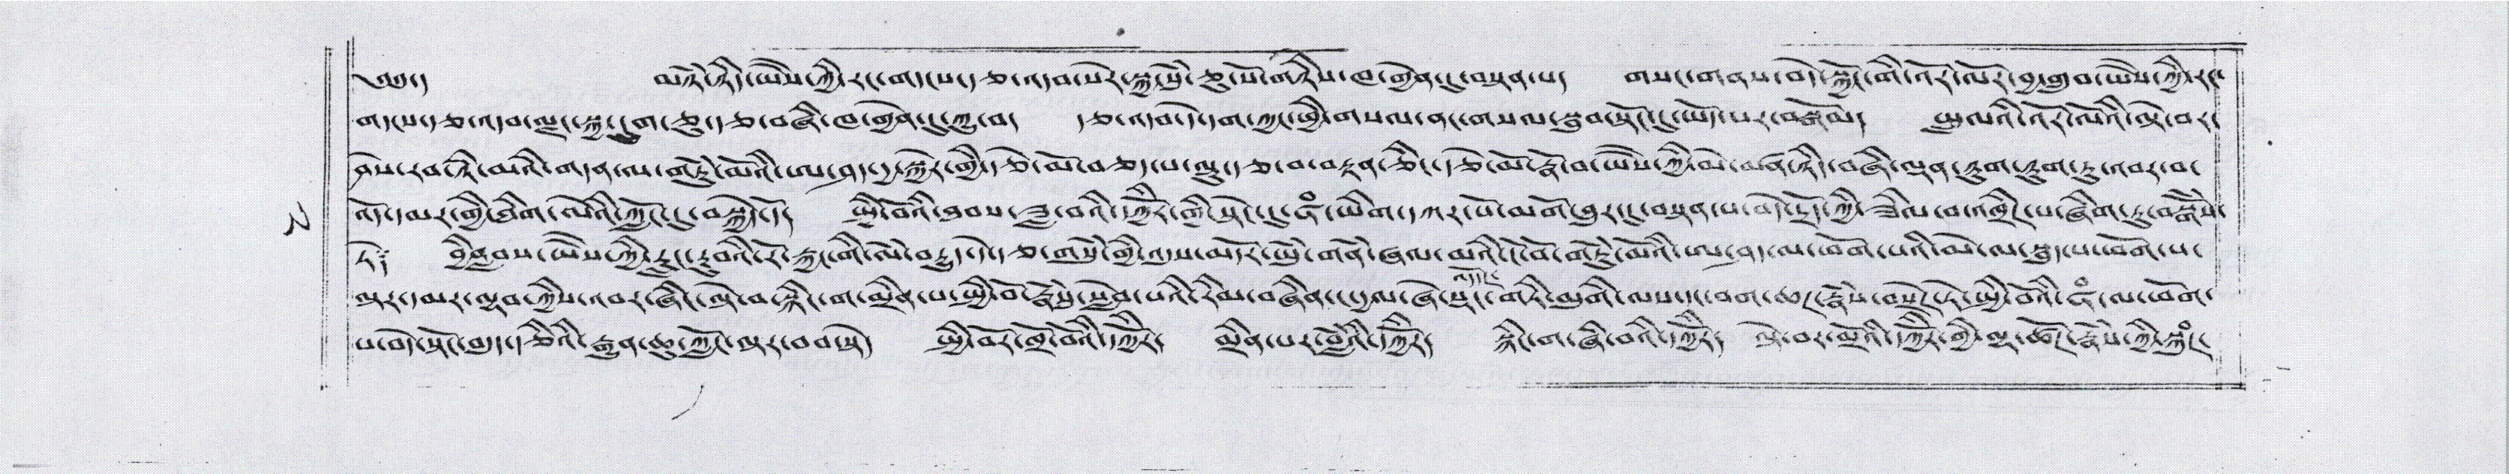མཉམ་ཉིད་ཡེ་ཤེས་ཀྱི་རང་གདངས་རྩ་འདབ་སེར་སྐྱ་སུམ་ཅུ་སོ་གཉིས་ཁ་གྱེན་དུ་བསྟན་པ། གསང་གནས་བདེ་སྐྱོང་འཁོར་ལོར་བྱ་གྲུབ་ཡེ་ཤེས་ཀྱི་རང་
གདངས་རྩ་འདབ་ལྗང་སྐྱ་དྲུག་ཅུ་རྩ་བཞི་ཁ་གྱེན་དུ་ཀྱུ་བ། རྩ་འདབ་དེ་དག་ཀྱང་ཕྱི་གསལ་ནང་གསལ་སྦུབ་སྟོང་དུ་ཡོད་པར་བསྒོམ། སྤྲུལ་པའི་འཁོར་ལོིའི་ལྟེ་བར་
ཤེས་རབ་ཉི་མའི་གདན་ལ་གཏུམ་མོའི་ཨ་ཤད་རྒྱ་སྐྱེར་གྱི་རྩེ་མོ་བཅད་པ་ལྟ་བུ་རྩ་བ་བརྟན་ཅིང་རྩེ་མོ་རྣོ་བ་ཡེ་ཤེས་ཀྱི་མེ་མཚན་ཉིད་བཞི་ལྡན་ཉུག་ཉུག་ཏུ་འབར་བ་
འོད་དམར་གྱི་ཐིག་ལེའི་ཀློང་དུ་བསྐྱེད་དོ། སྤྱི་བོའི་ཐབས་ཟླ་བའི་དཀྱིལ་འཁོར་གྱི་སྟེང་དུ་ཧཾ་ཡིག་དཀར་པོ་མགོ་ཐུར་དུ་བསྟན་པ་བདེ་དྲོད་ཀྱི་ཟིལ་བ་འཁྲིགས་པ་ཞིག་ཏུ་བསྒོམས་
ཏེ། བྱིན་རླབས་ཡེ་ཤེས་ཀྱི་རླུང་རྔུབ་པའི་རོ་རྐྱང་གི་ལམ་བརྒྱུད་དེ་རྩ་གསུམ་གྱི་འདུས་མདོར་ཡུམ་གནམ་ཞལ་མའི་ངོ་བོ་གཏུམ་མོའི་ཨ་ཤད་ལ་ཕོག་པའི་མེ་ལ་སྦུད་པ་ཕོག་པ་
ལྟར་དམར་ལྷབ་ཀྱིས་འབར་ཞིང་ལྟེ་བ་སྙིང་ག་མགྲིན་པ་སྤྱི་བོ་རྣམས་སུ་སླེབ་པའི་རིམ་བཞིན་ང་རྒྱལ་ཞེ་སྡང་འདོད་ཆགས་གཏི་མུག་གི་ལས་དང་བག་ཆགས་རྣམས་བསྲེགས་ཏེ་སྤྱི་བོའི་ཧཾ་ལ་ཕོག་
པ་བདེ་སྟོང་བདུད་རྩིའི་རྒྱུན་ཆུ་ཀློང་ལྟར་བབ་སྟེ། སྤྱི་བོར་ཁྲོ་བོའི་དཀྱིལ་འཁོར། མགྲིན་པར་བླ་མའི་དཀྱིལ་འཁོར། སྙིང་ག་ཞི་བའི་དཀྱིལ་འཁོར། ལྟེ་བར་མཁའ་འགྲོའི་དཀྱིལ་འཁོར་གྱི་ལྷ་ཚོགས་རྣམས་ཀྱི་སྐུ་གསུང་ཐུགས་